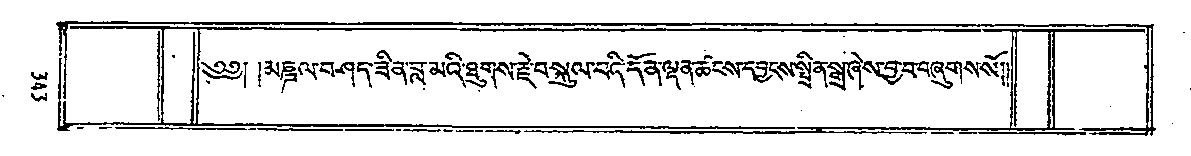༄༅། །མཎྜལ་བཤད་ཟིན་བླ་མའི་ཐུགས་རྗེ་བསྐུལ་བའི་དོན་ལྡན་ཚངས་དབྱངས་སྤྲིན་སྒྲ་ཞེས་བྱ་བ་བཞུགས་སོ།།